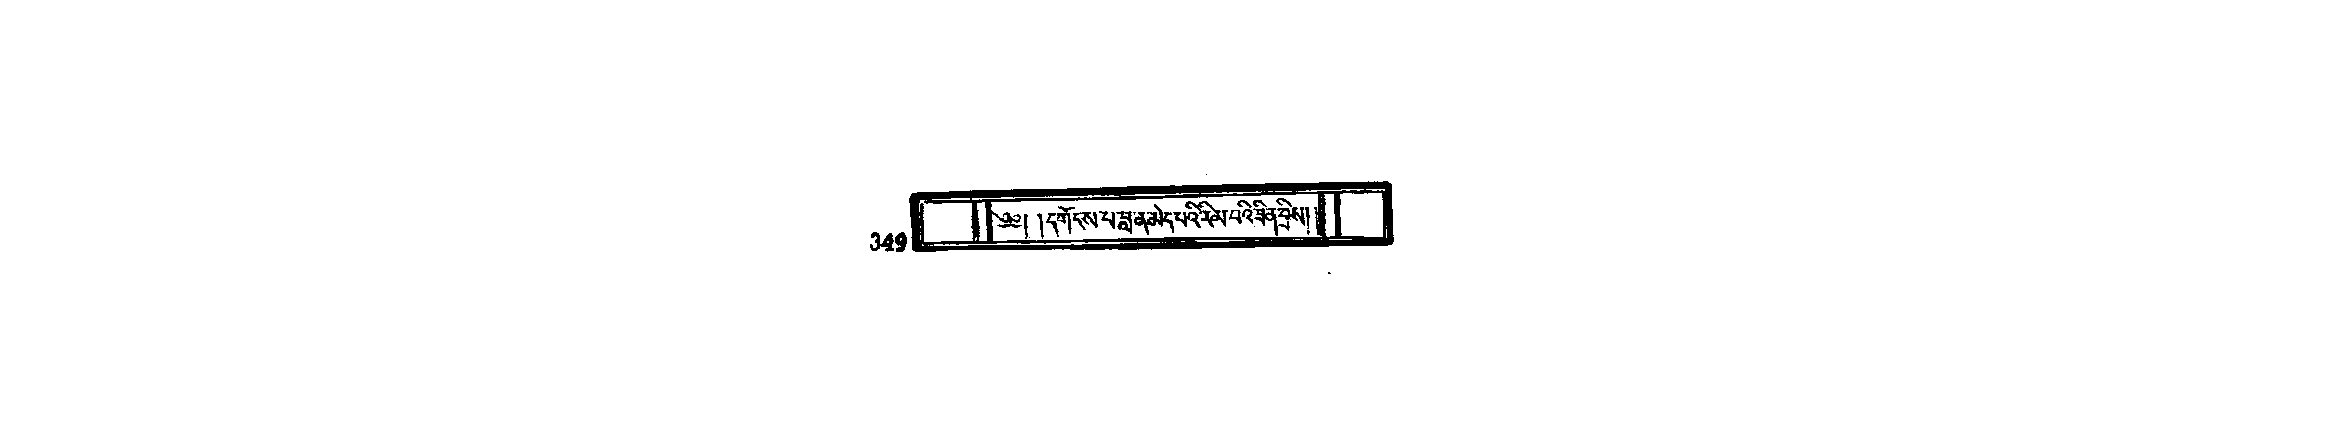༄༅། །དགོངས་པ་བླ་ན་མེད་པའི་རིམ་པའི་ཟིན་བྲིས། །